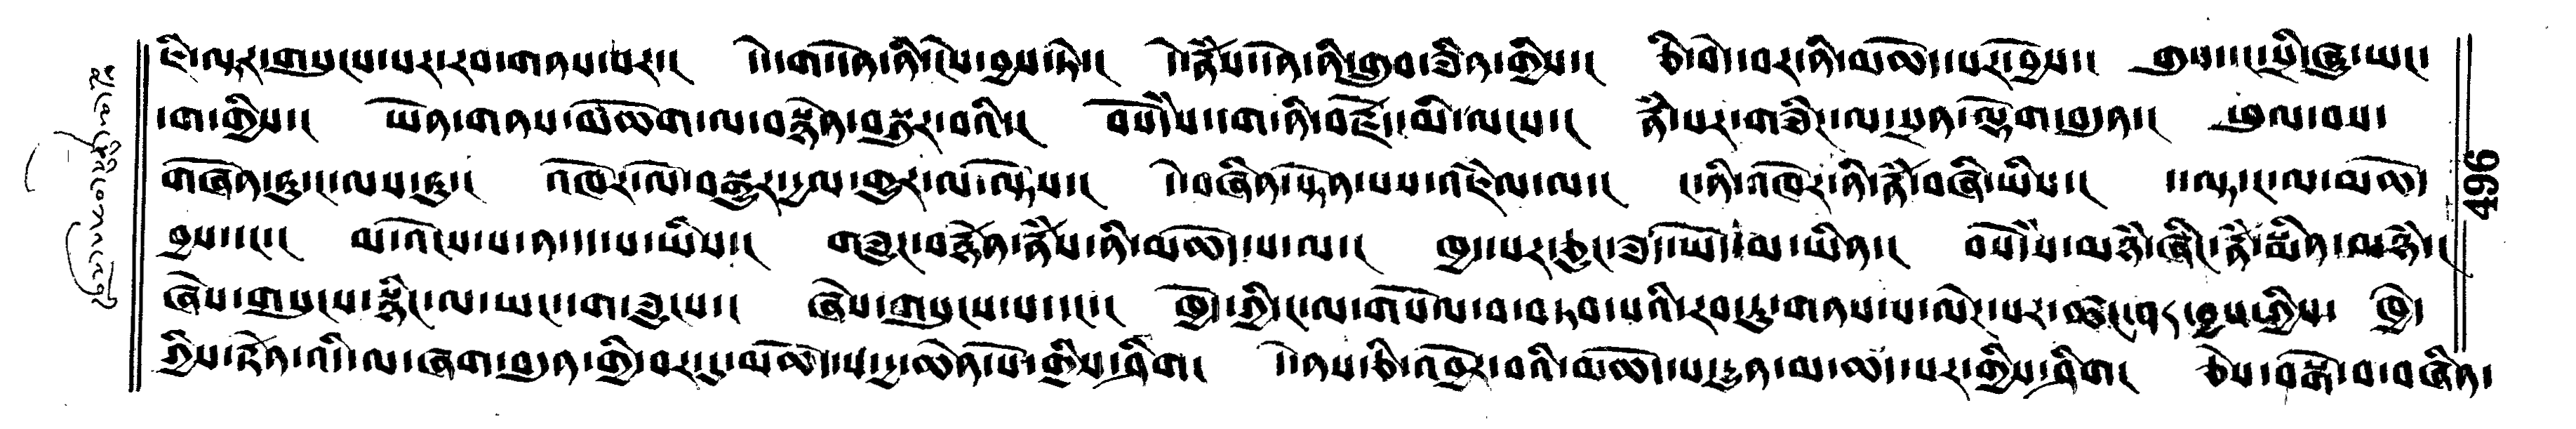ཇི་ལྟར་གསུངས་པར་རབ་གནས་པར། །དེ་དག་དོན་ནི་ངེས་བྱ་ཏེ། །དེ་རྣམས་དོན་ནི་གྲུབ་ཟིན་གྱིས། །ཅི་བདེ་བར་ནི་མཆོད་པར་བྱོས། །གུས་དང་སྲི་ཞུ་ཡང་
དག་གྱིས། །ཡོན་གནས་མཆོག་ལ་བསྙེན་བསྐུར་བའི། །བསོད་ནམས་དག་ནི་བརྗོད་མི་ལངས། །རྣམ་པར་གཟིགས་ལ་སྲན་དོག་བདུན། །ཕུལ་བས་
གཞོན་ནུ་ང་ལས་ནུ། །འཁོར་ལོ་བསྒྱུར་རྒྱལ་གྱུར་ལ་ལྟོས། །དེ་བཞིན་སྟོན་པས་འཇམ་དཔལ་ལ། །ང་ནི་འཁོར་ནི་རྣམ་བཞི་ཡིས། །ད་ལྟ་ང་ལ་མཆོད་
བྱས་དང་། མ་འོངས་པ་ན་དད་པ་ཡིས། །གཟུགས་བརྙན་རྣམས་ནི་མཆོད་པ་ལ། ཁྱད་པར་ཅུང་ཟད་ཡོད་མ་ཡིན། །བསོད་ནམས་མཉམ་ཞིང་རྣམ་སྨིན་མཉམ། 
ཞེས་གསུངས་སྙིང་ལ་ཡང་དག་ཟུངས།ཞེས་གསུངས་པ་དང་། ཁྱོད་ཀྱི་ང་ལ་གསོལ་བ་བཏབ་པའི་རབ་ཏུ་གནས་པ་ལེགས་པར་ཚང་བར་བྱས་ཀྱིས། ཁྱེད་
ཀྱིས་རྟེན་འདི་ལ་ཞག་བདུན་གྱི་བར་དུ་མཆོད་པ་རྒྱ་ཆེན་པོ་གྱིས་ཤིག དེ་ནས་ཅི་འབྱོར་བའི་མཆོད་པ་རྒྱུན་མ་ཆད་པར་གྱིས་ཤིག ཅེས་བསྒོ་བ་བཞིན་